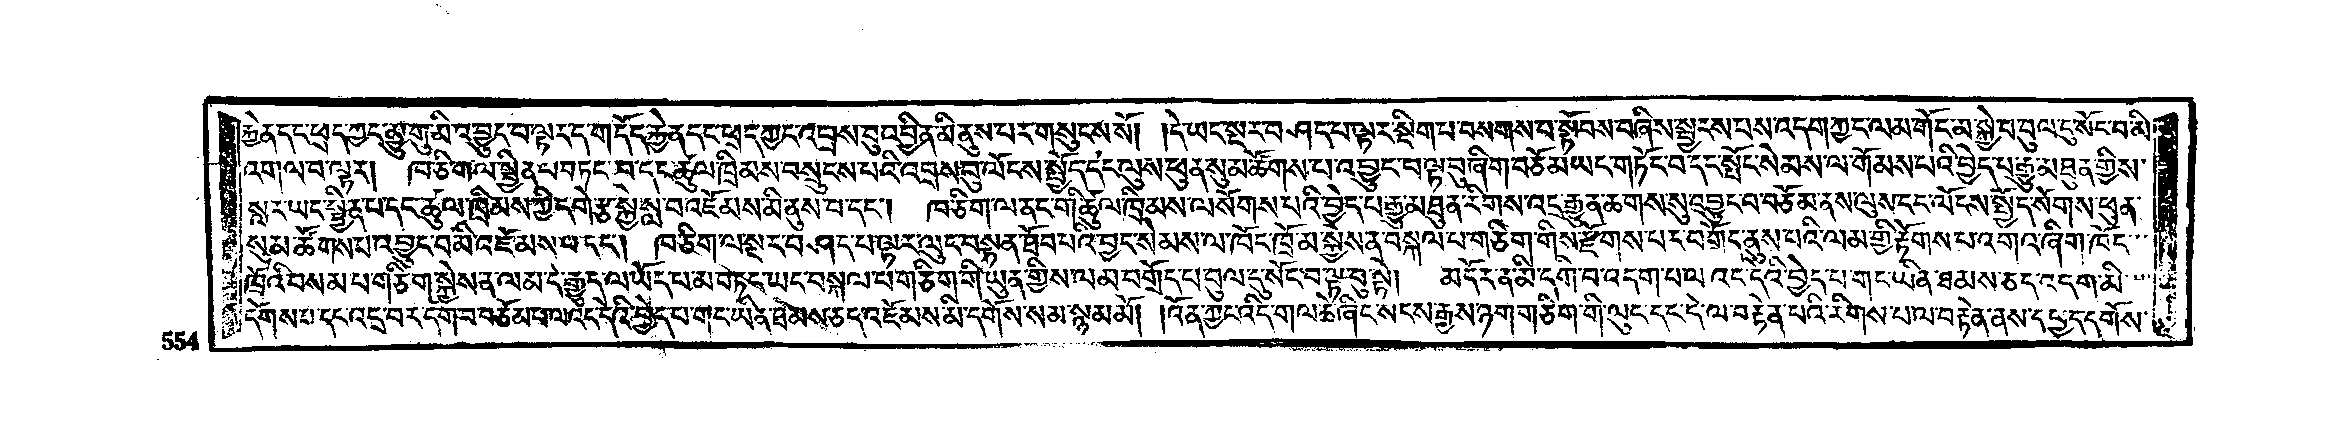རྐྱེན་དང་ཕྲད་ཀྱང་མྱུ་གུ་མི་འབྱུང་བ་ལྟར་ད་གདོད་རྐྱེན་དང་ཕྲད་ཀྱང་འབྲས་བུ་འབྱིན་མི་ནུས་པར་གསུངས་སོ། །དེ་ཡང་སྔར་བཤད་པ་ལྟར་སྡིག་པ་བསགས་པ་སྟོབས་བཞིས་སྦྱངས་པས་འདག་ཀྱང་ལམ་གོང་མ་སྐྱེ་བ་བུལ་དུ་སོང་བ་མི་
འགལ་བ་ལྟར། ཁ་ཅིག་ལ་སྦྱིན་པ་བཏང་བ་དང་ཚུལ་ཁྲིམས་བསྲུངས་པའི་འབྲས་བུ་ལོངས་སྤྱོད་དང་ལུས་ཕུན་སུམ་ཚོགས་པ་འབྱུང་བ་ལྟ་བུ་ཞིག་བཅོམ་ཡང་གཏོང་བ་དང་སྤོང་སེམས་ལ་གོམས་པའི་བྱེད་པ་རྒྱུ་མཐུན་གྱིས་
སླར་ཡང་སྦྱིན་པ་དང་ཚུལ་ཁྲིམས་ཀྱི་དགེ་རྩ་སྐྱེ་སླ་བ་འཇོམས་མི་ནུས་པ་དང་། ཁ་ཅིག་ལ་ནང་གི་ཚུལ་ཁྲིམས་ལ་སོགས་པའི་བྱེད་པ་རྒྱུ་མཐུན་རིགས་འདྲ་རྒྱུན་ཆགས་སུ་འབྱུང་བ་བཅོམ་ནས་ལུས་དང་ལོངས་སྤྱོད་སོགས་ཕུན་
སུམ་ཚོགས་པ་འབྱུང་བ་མི་འཇོམས་པ་དང་། ཁ་ཅིག་ལ་སྔར་བཤད་པ་ལྟར་ལུང་བསྟན་ཐོབ་པའི་བྱང་སེམས་ལ་ཁོང་ཁྲོ་མ་སྐྱེས་ན་བསྐལ་བ་གཅིག་གིས་རྫོགས་པར་བགྲོད་ནུས་པའི་ལམ་གྱི་རྟོགས་པ་འགའ་ཞིག་ཁོང་
ཁྲོའི་བསམ་པ་གཅིག་སྐྱེས་ན་ལམ་དེ་རྒྱུད་ལ་ཡོད་པ་མ་བཏང་ཡང་བསྐལ་པ་གཅིག་གི་ཡུན་གྱིས་ལམ་བགྲོད་པ་བུལ་དུ་སོང་བ་ལྟ་བུ་སྟེ། མདོར་ན་མི་དགེ་བ་འདག་པ་ལའང་དེའི་བྱེད་པ་གང་ཡིན་ཐམས་ཅད་འདག་མི་
དགོས་པ་དང་འདྲ་བར་དགེ་བ་བཅོམ་བ་ལའང་དེའི་བྱེད་པ་གང་ཡིན་ཐམས་ཅད་འཇོམས་མི་དགོས་སམ་སྙམ་མོ། །འོན་ཀྱང་འདི་ལག་ཆེ་ཞིང་སངས་རྒྱས་ཉག་གཅིག་གི་ལུང་དང་དེ་ལ་བརྟེན་པའི་རིགས་པ་ལ་བརྟེན་ནས་དཔྱད་དགོས་